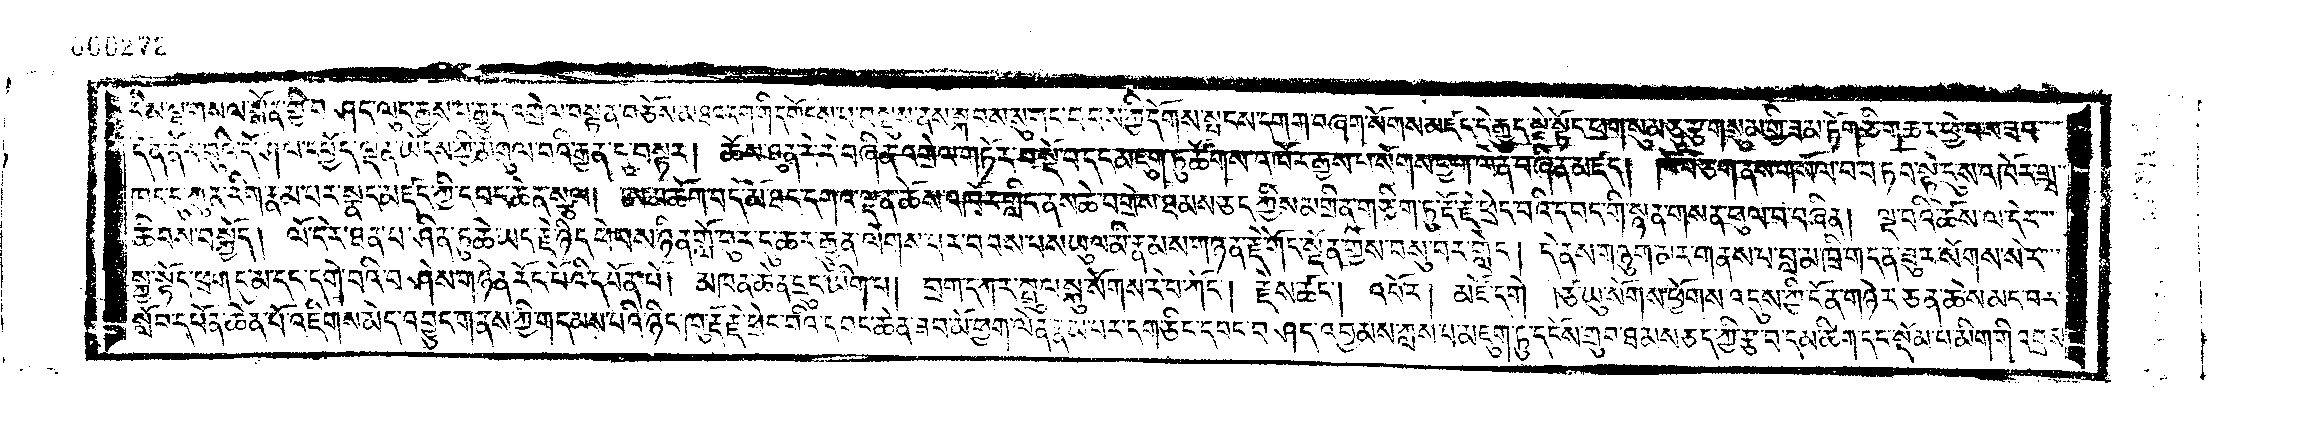རིམ་ལྔ་གོས་ལ་སྒྲོན་གྱི་བཤད་ལུང་རྒྱས་པ་རྒྱུད་འགྲེལ་བསྟན་བཅོས་མཐའ་དག་གི་དགོངས་པ་བསྡུས་ནས་སྐབས་སུ་གང་བབས་ཀྱི་དགོས་སྤངས་དགག་བཞག་སོགས་མཛད་དེ་རྒྱུད་སྡེ་སྟོང་ཕྲག་སུམ་ཅུ་རྩ་གསུམ་གྱི་ཟམ་ཏོག་ཅིག་ཆར་ཕྱེ་བས་ཟབ་
དོན་ནོར་བུའི་དོ་ཤལ་དཔྱོད་ལྡན་ཡོངས་ཀྱི་མགུལ་བའི་རྒྱན་དུ་བསྟར། ཆོས་ཐུན་རེ་རེ་བཞིན་འགྲེལ་གཏོར་བསྔོ་བ་དང་མཇུག་ཏུ་ཚོགས་འཁོར་རྒྱས་པ་སོགས་ཕྱག་ལེན་བཞིན་མཛད། ཁོ་བོ་ཅག་ནས་གསོལ་བ་བཏབ་སྟེ་དུས་འཁོར་གྲྭ་
ཁང་དུ་ཀུན་རིག་རྣམ་པར་སྣང་མཛད་ཀྱི་དབང་ཆེན་སྩལ། ཨ་མཆོག་བདེ་མོ་ཐང་དགའ་ལྡན་ཆོས་འཁོར་གླིང་ནས་ཆེ་བགྲེས་ཐམས་ཅད་ཀྱིས་མགྲིན་གཅིག་ཏུ་རྡོ་རྗེ་ཕྲེང་བའི་དབང་གི་སྙན་གསན་ཕུལ་བ་བཞིན། ལྔ་པའི་ཚེས་ལ་དེར་
ཆིབས་བསྐྱོད། ལོ་དེར་ཐ་ན་པ་ཤིན་ཏུ་ཆེ་ཡང་རྗེ་ཉིད་ཕེབས་ཉིན་གློ་བུར་དུ་ཆར་རྒྱུན་ལེགས་པར་བབས་པས་ཡུལ་མི་རྣམས་གཉན་རྗེ་གོང་སྔོན་གྱིས་བསུ་བར་གླེང་། དེ་ནས་གཉུག་མར་གནས་པ་བླ་མ་ཁྲི་གདན་ཟུར་སོགས་སེར་
སྐྱ་སྟོང་ཕྲག་དུ་མ་དང་དགེ་བའི་བཤེས་གཉེན་རོང་པོའི་དབོན་པོ། མཁན་ཆེན་དྲུང་ཡིག་པ། བྲག་དཀར་སྤྲུལ་སྐུ་སོགས་རེ་བ་ཀོང་། རྗེས་ཚང་། འབོར། མཛོ་དགེ །ཙ་ཡུ་སོགས་ཕྱོགས་འདུས་ཀྱི་དོན་གཉེར་ཅན་ཆེས་མང་པར།
སློབ་དཔོན་ཆེན་པོ་འཇིགས་མེད་འབྱུང་གནས་ཀྱི་གདམས་པའི་ཉིང་ཁུ་རྡོ་རྗེ་ཕྲེང་བའི་དབང་ཆེན་ཟབ་མོ་ཕྱག་ལེན་རྣམ་པར་དག་ཅིང་དབང་བཤད་འབྱམས་ཀླས་བ་མཇུག་ཏུ་དངོས་གྲུབ་ཐམས་ཅད་ཀྱི་རྩ་བ་དམ་ཚིག་དང་སྡོམ་པ་མིག་གི་འབྲས་